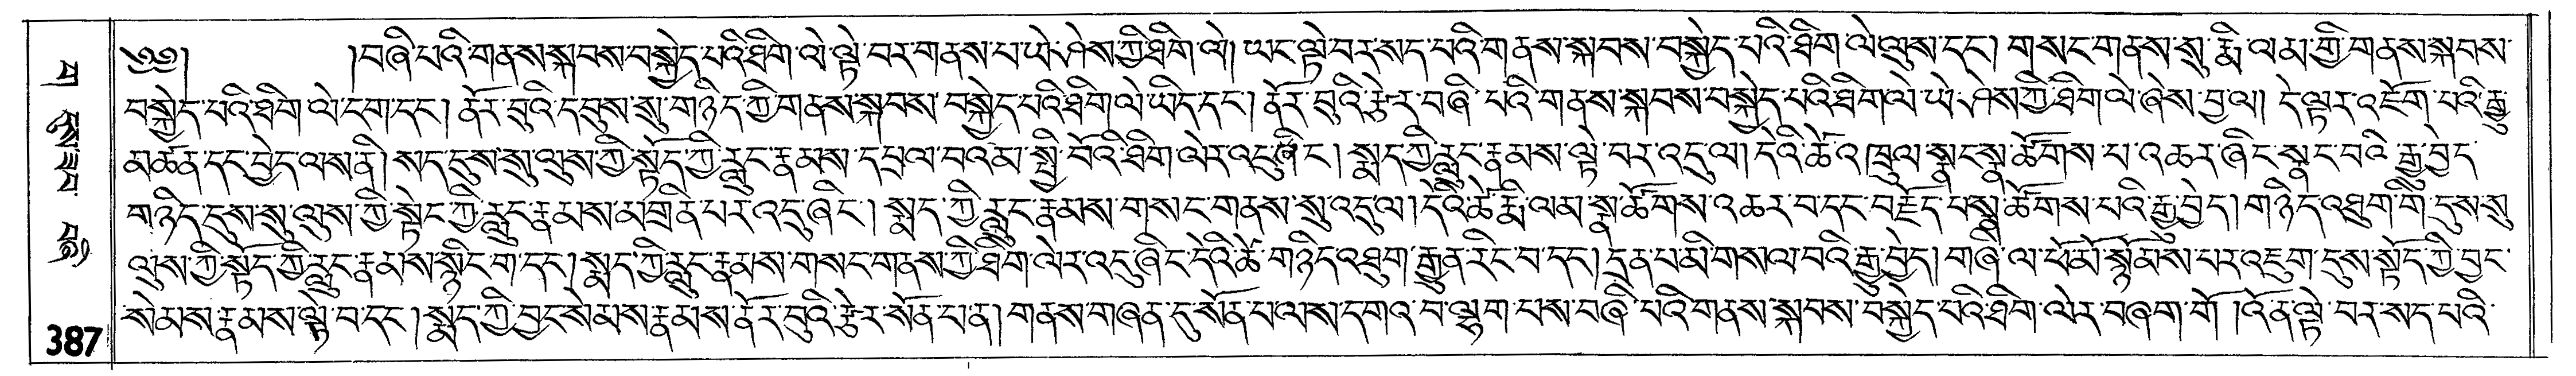༄༅། །བཞི་པའི་གནས་སྐབས་བསྐྱེད་པའི་ཐིག་ལེ་ལྟེ་བར་གནས་པ་ཡེ་ཤེས་ཀྱི་ཐིག་ལེ། ཡང་ལྟེ་བར་སད་པའི་གནས་སྐབས་བསྐྱེད་པའི་ཐིག་ལེ་ལུས་དང་། གསང་གནས་སུ་རྨི་ལམ་གྱི་གནས་སྐབས་
བསྐྱེད་པའི་ཐིག་ལེ་དག་དང་། ནོར་བུའི་དབུས་སུ་གཉིད་ཀྱི་གནས་སྐབས་བསྐྱེད་པའི་ཐིག་ལེ་ཡིད་དང་། ནོར་བུའི་རྩེར་བཞི་པའི་གནས་སྐབས་བསྐྱེད་པའི་ཐིག་ལེ་ཡེ་ཤེས་ཀྱི་ཐིག་ལེ་ཞེས་བྱ་ལ། དེ་ལྟར་འཇོག་པའི་རྒྱུ་
མཚན་དང་བྱེད་ལས་ནི། སད་དུས་སུ་ལུས་ཀྱི་སྟོད་ཀྱི་རླུང་རྣམས་དཔྲལ་བའམ་སྤྱི་བོའི་ཐིག་ལེར་འདུ་ཞིང་། སྨད་ཀྱི་རླུང་རྣམས་ལྟེ་བར་འདུ་ལ། དེའི་ཚེ་འཁྲུལ་སྣང་སྣ་ཚོགས་པ་འཆར་ཞིང་སྣང་བའི་རྒྱུ་བྱེད་
གཉིད་དུས་སུ་ལུས་ཀྱི་སྟེང་ཀྱི་རླུང་རྣམས་མགྲིན་པར་འདུ་ཞིང་། སྨད་ཀྱི་རླུང་རྣམས་གསང་གནས་སུ་འདུ་ལ། དེའི་ཚེ་རྨི་ལམ་སྣ་ཚོགས་འཆར་བ་དང་བརྗོད་པ་སྣ་ཚོགས་པའི་རྒྱུ་བྱེད། གཉིད་འཐུག་གི་དུས་སུ་
ལུས་ཀྱི་སྟོད་ཀྱི་རླུང་རྣམས་སྙིང་ག་དང་། སྨད་ཀྱི་རླུང་རྣམས་གསང་གནས་ཀྱི་ཐིག་ལེར་འདུ་ཞིང་དེའི་ཚེ་གཉིད་འཐུག་རྒྱུན་རིང་བ་དང་། དྲན་པ་མི་གསལ་བའི་རྒྱུ་བྱེད། གཞི་ལ་ཕོ་མོ་སྙོམས་པར་འཇུག་དུས་སྟོད་ཀྱི་བྱང་
སེམས་རྣམས་ལྟེ་བ་དང་། སྨད་ཀྱི་བྱང་སེམས་རྣམས་ནོར་བུའི་རྩེར་སོན་པ་ན། གནས་གཞན་དུ་སོན་པ་ལས་དགའ་བ་ལྷག་པས་བཞི་པའི་གནས་སྐབས་བསྐྱེད་པའི་ཐིག་ལེར་བཞག་གོ །འོ་ན་ལྟེ་བར་སད་པའི་